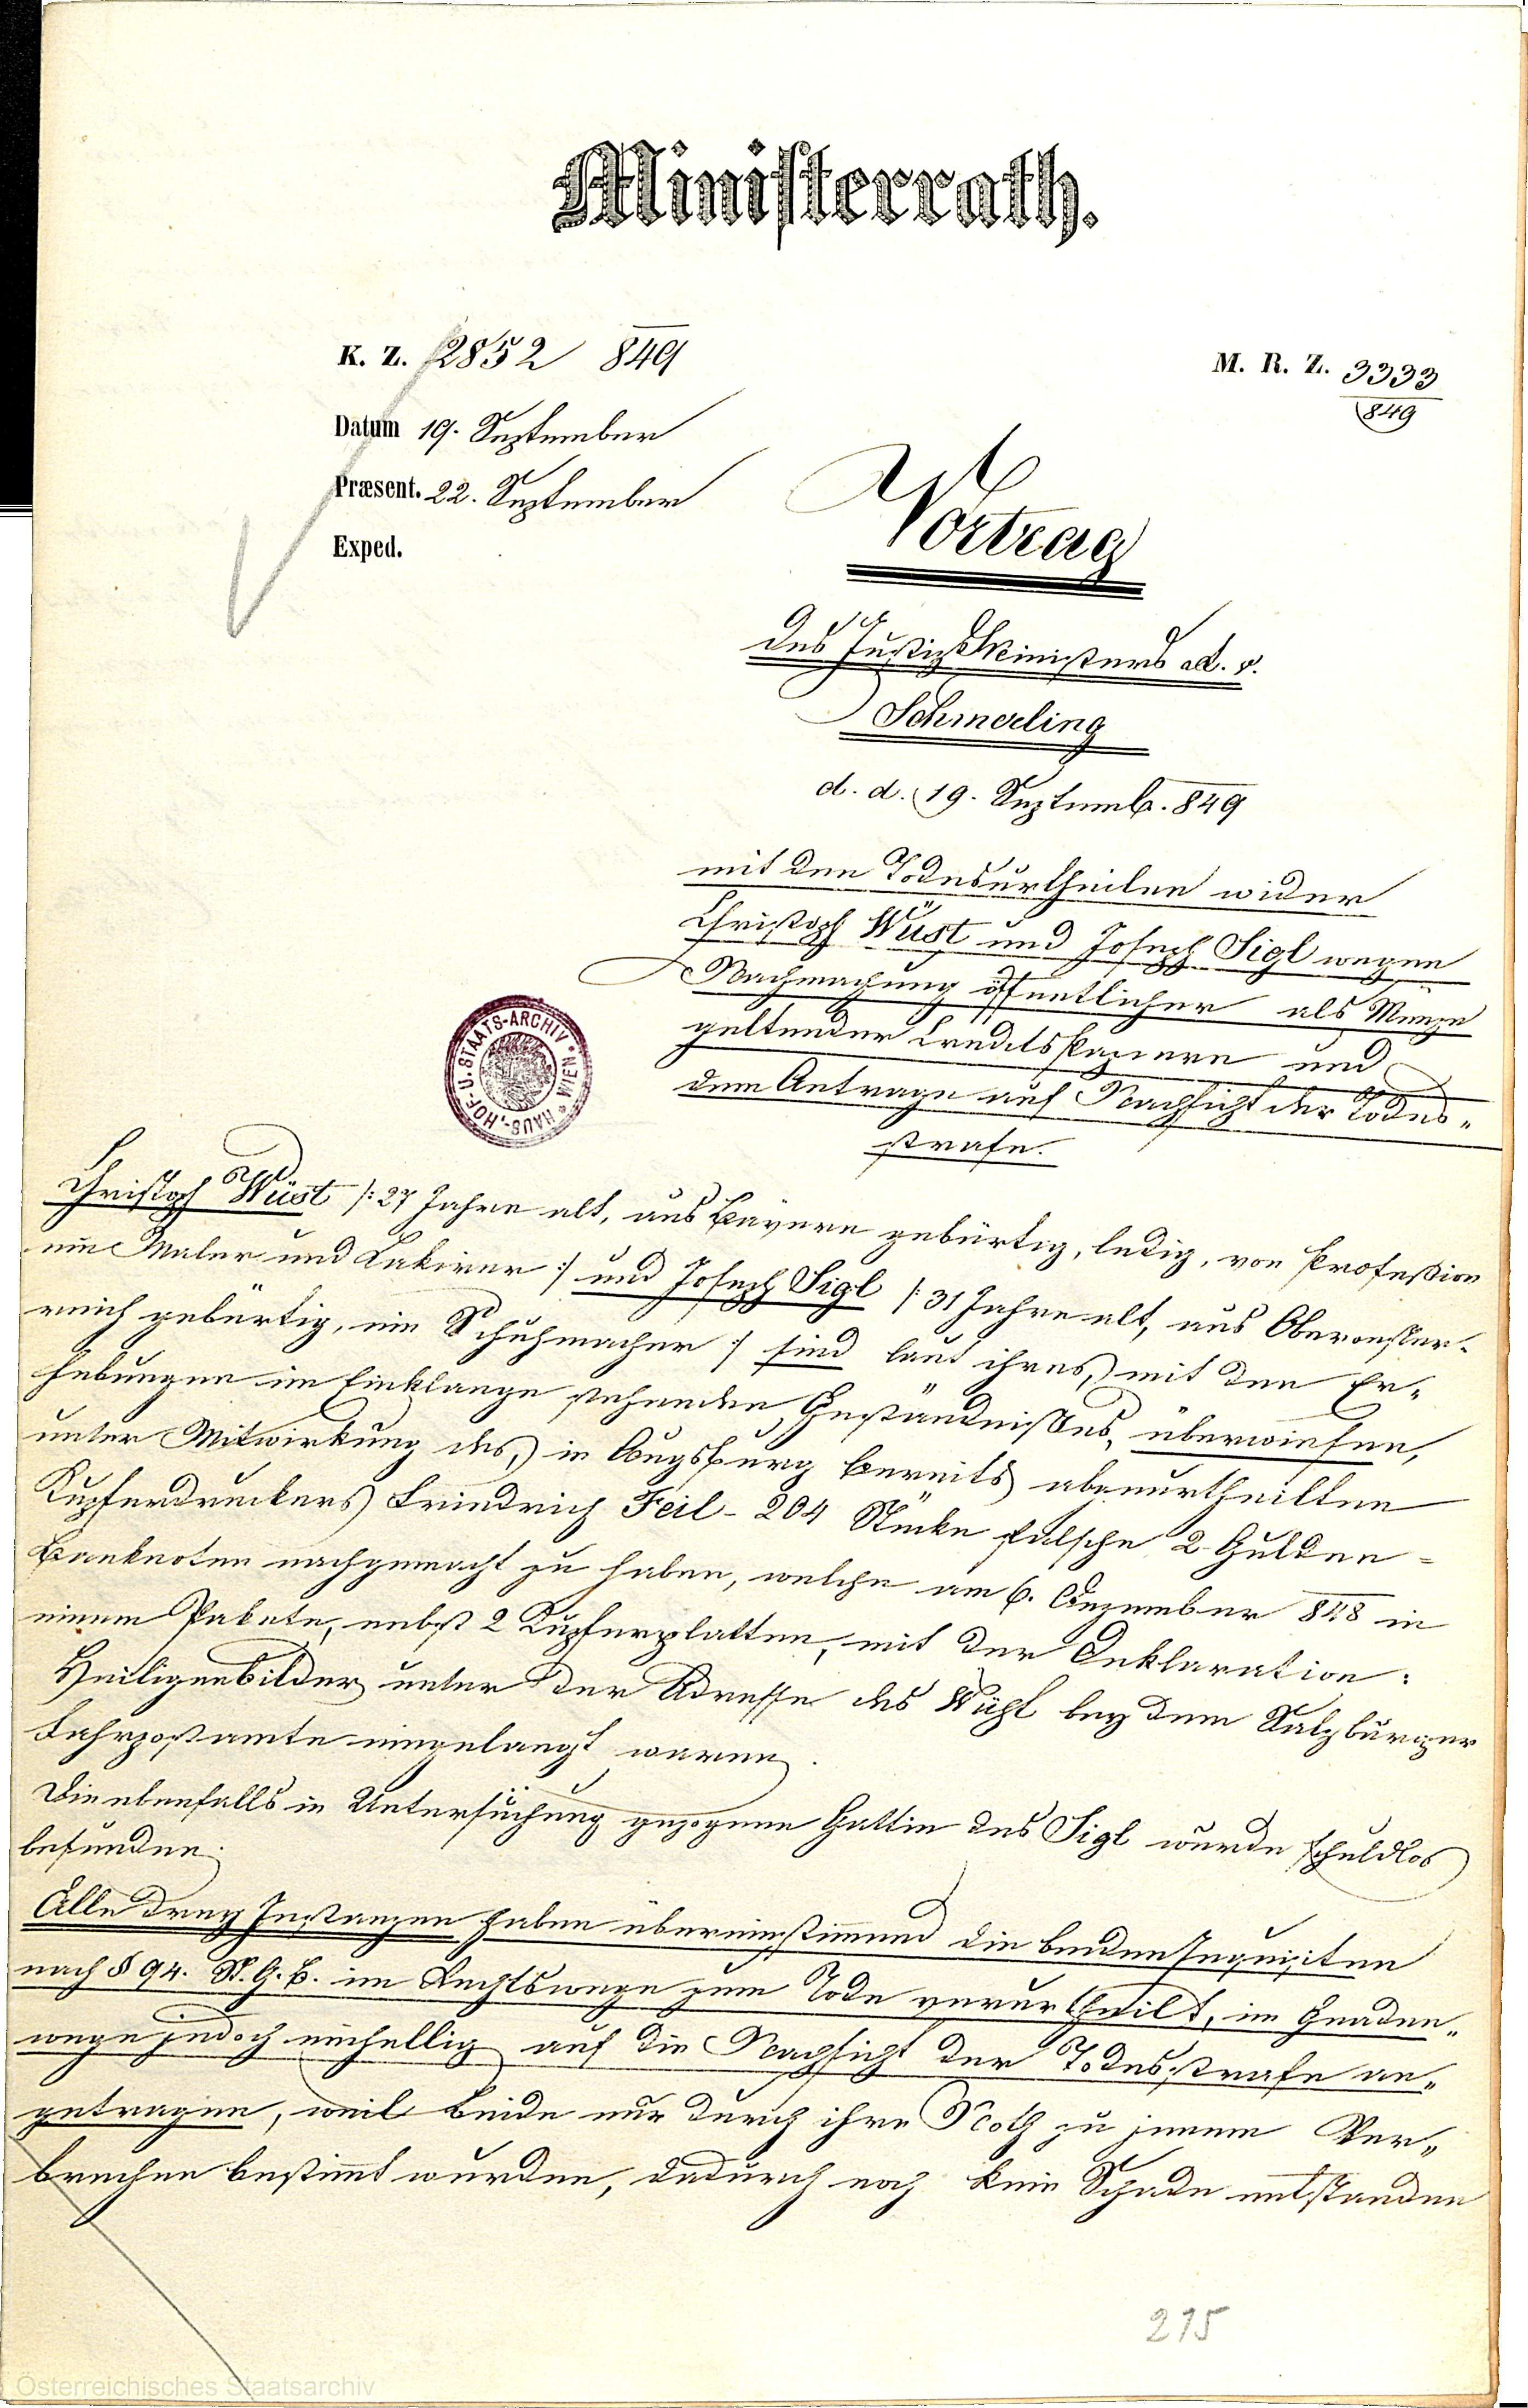Ministerrath
KZ 2852 849
Datum 19. September
Praesent. 22. September
Exped.
MRZ 3333/
849
Vortrag
des Justiz Ministers R. v.
Schmerling
d.d. 19. Septemb. 849
mit den Todesurtheilen wider
Christoph Wüst und Joseph Sigl wegen
Nachmachung öffentlicher als Münze
geltender Creditspapiere und
dem Antrage auf Nachsicht der Todes¬
strafe.
Christoph Wüst (27 Jahre alt, aus Bayern gebürtig, ledig, von Profeßion
eine Maler und Lakirer) und Joseph Sigl (31 Jahre alt, aus Oberoester¬
reich gebürtig, ein Schuhmacher) sind laut ihres, mit den Er¬
hebungen im Einklange stehenden Geständnißes, überwiesen,
unter Mitwirkung des, in Augsburg bereits abzuurtheilen
Kupferdruckers Friedrich Feil – 204 Stücke falsche 2 Gulden-
Banknoten nachgemacht zu haben, welche am 6. Dezember 848 in
einem Pakete, nebst 2 Kupferplatten, mit der Deklaration:
Heiligenbilder unter der Adresse des Wüst bey dem Salzburger
Fahrpostamte eingelangt waren.
Die ebenfalls in Untersuchung gezogene Gattin des Sigl wurde schuldlos
befunden.
Alle drey Instanzen haben übereinstimmend die beiden Inquisiten
nach §94 StGB im Rechtswege zum Tode verurtheilt, im Gnaden¬
wege jedoch einhellig auf die Nachsicht der Todesstrafe an¬
getragen, weil Beide nur durch ihre Noth zu jenem Ver¬
brechen bestimmt wurden, dadurch noch kein Schade entstanden
275